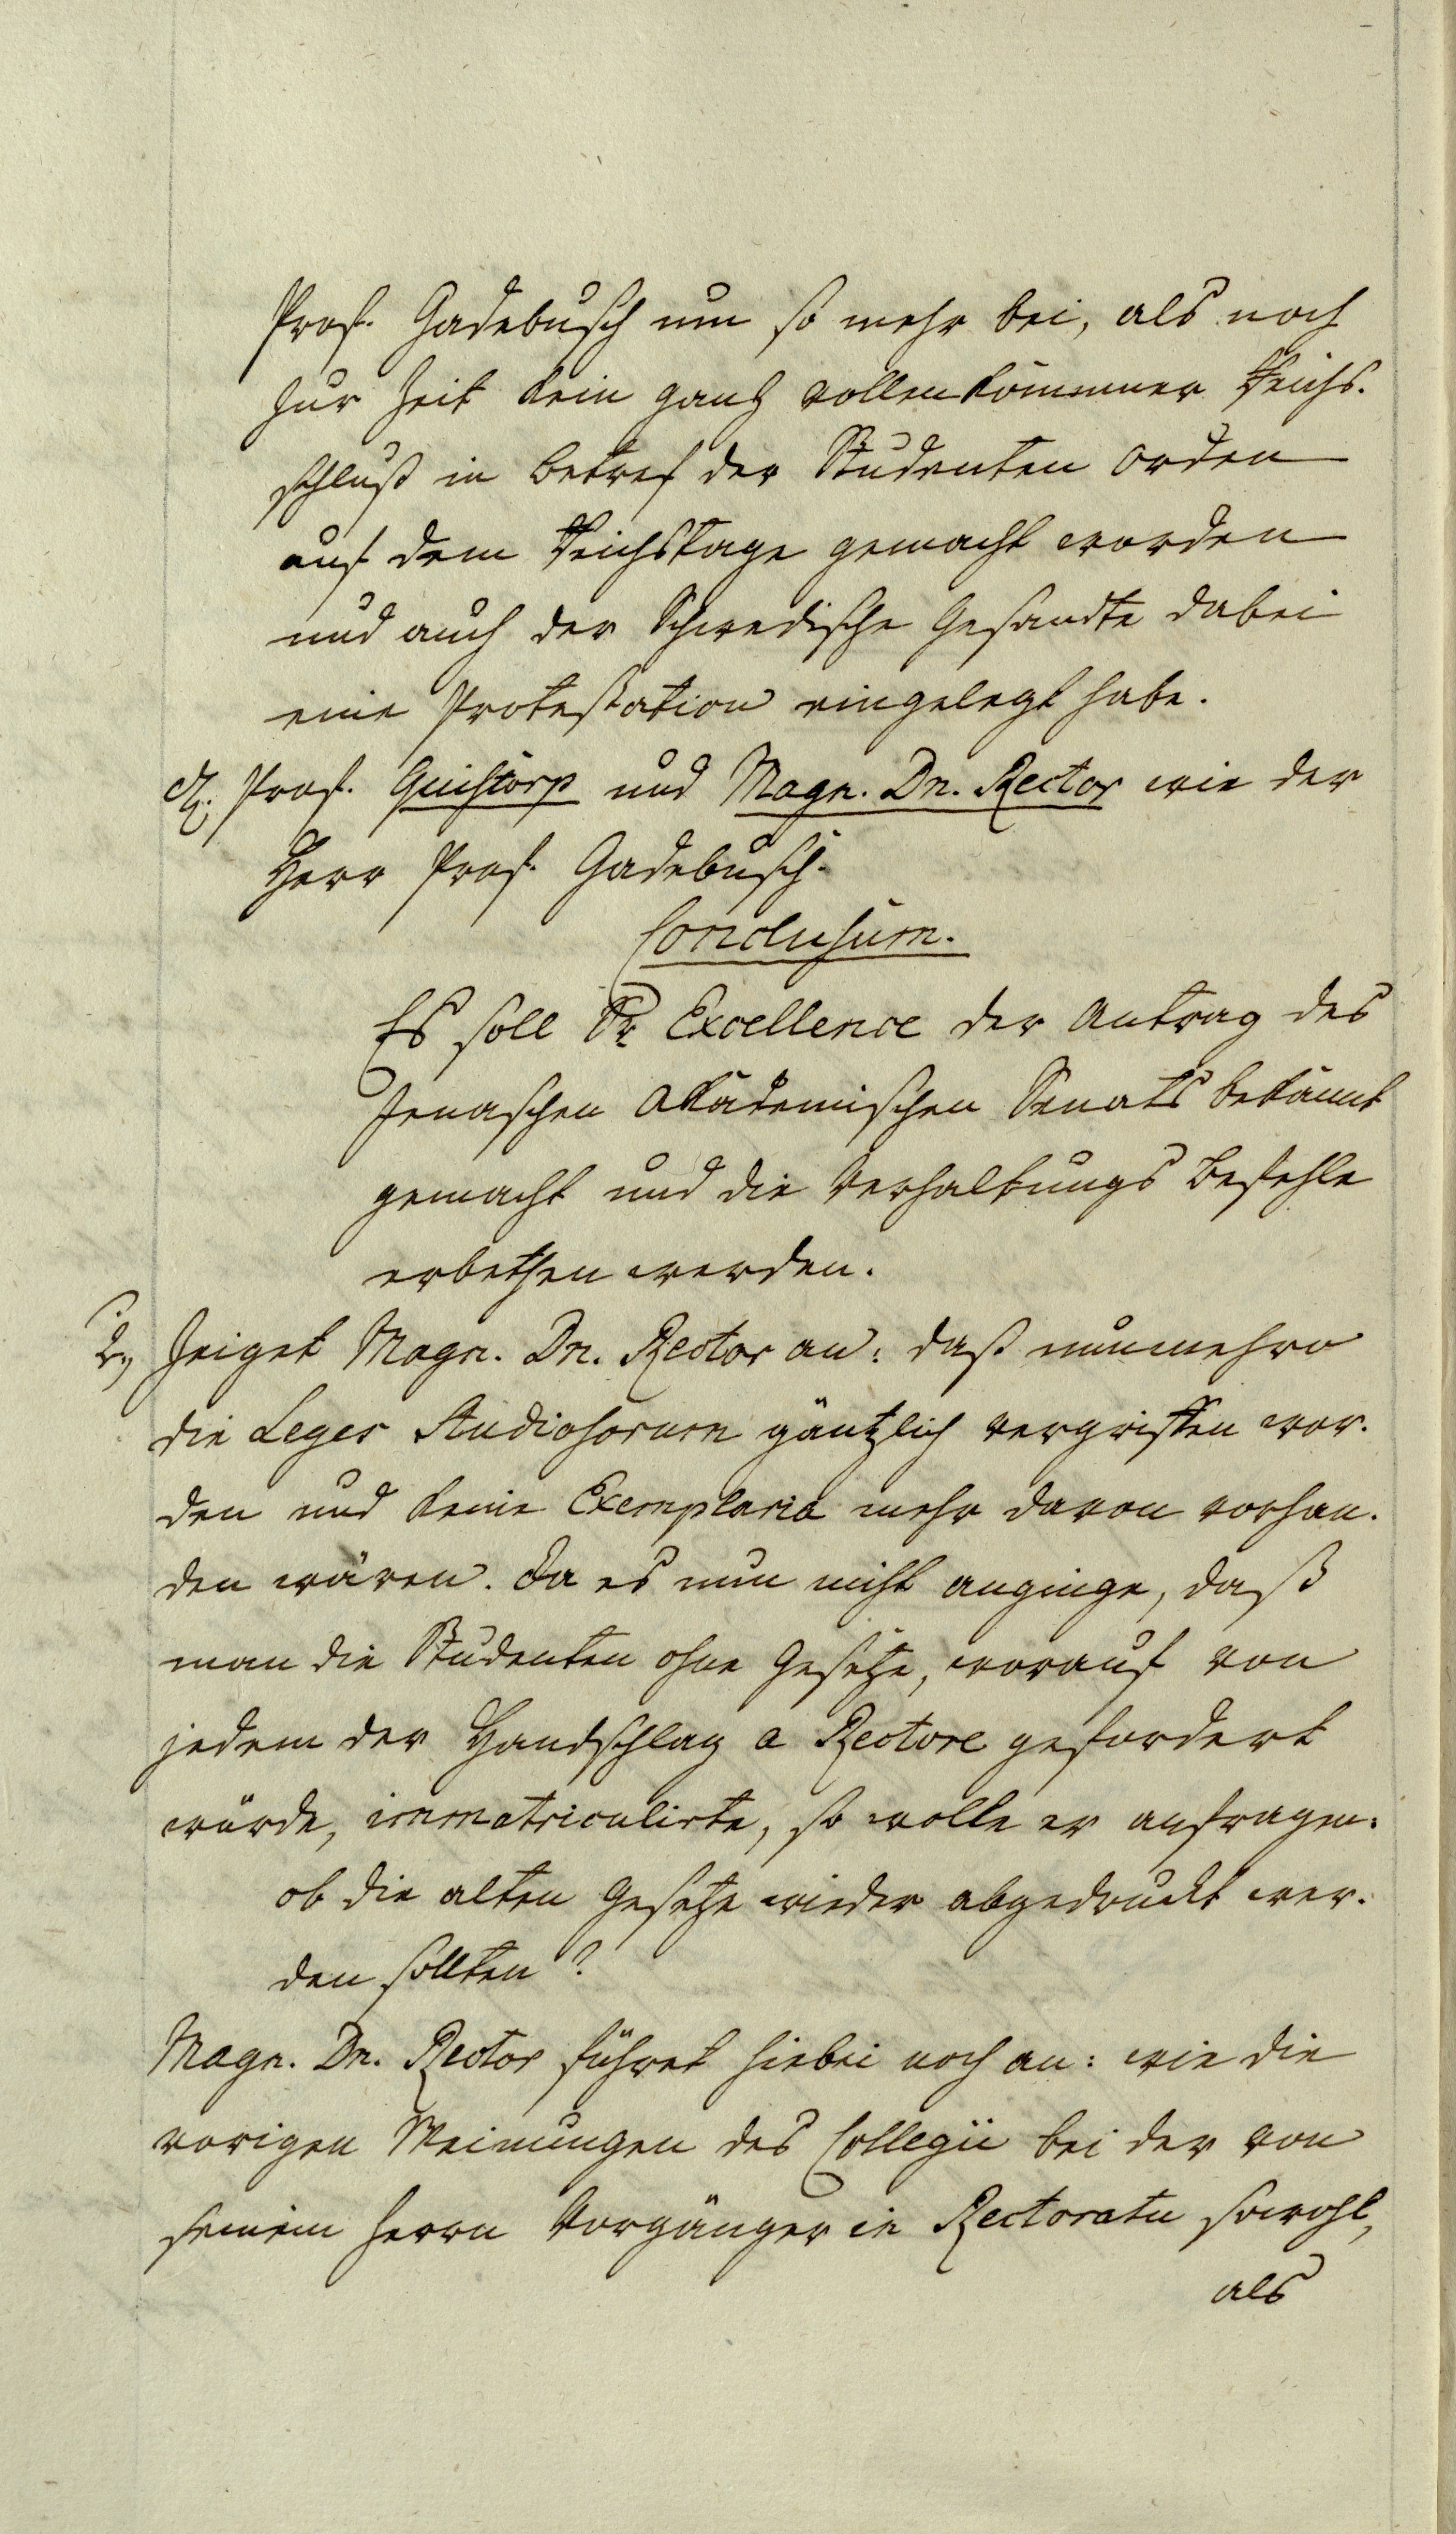Prof. Gadebusch um so mehr bei, als noch
zur Zeit kein ganz vollkommener Reichs¬
schluß in Betref der Studenten Orden
auf dem Reichstage gemacht worden
und auch der Schwedische Gesandte dabei
eine Protestation eingelegt habe.
dh. Prof. Quistorp und Magn. Dn. Rector wie der
Herr Prof. Gadebusch.
Conclusum.
Es soll Sr. Excellence der Antrag des
Jenaschen Akademischen Senats bekannt
gemacht und die Verhaltungs Befehle
erbethen werden.
2., Zeiget Magn. Dn. Rector an: daß nunmehro
die Leges Studiosorum gäntzlich vergriffen wor¬
den und keine Exemplaria mehr davon vorhan¬
den wären. Da es nun nicht anginge, daß
man die Studenten ohne Gesetze, worauf von
jedem der handschlag a Rectore gefordert
würde, immatriculirte, so wolle er anfragen:
ob die alten Gesetze wieder abgedruckt wer¬
den sollten?
Magn. Dn. Rector führet hiebei noch an: wie die
vorigen Meinungen des Collegii bei der von
seinem Herrn Vorgänger in Rectoratu sowohl,
als